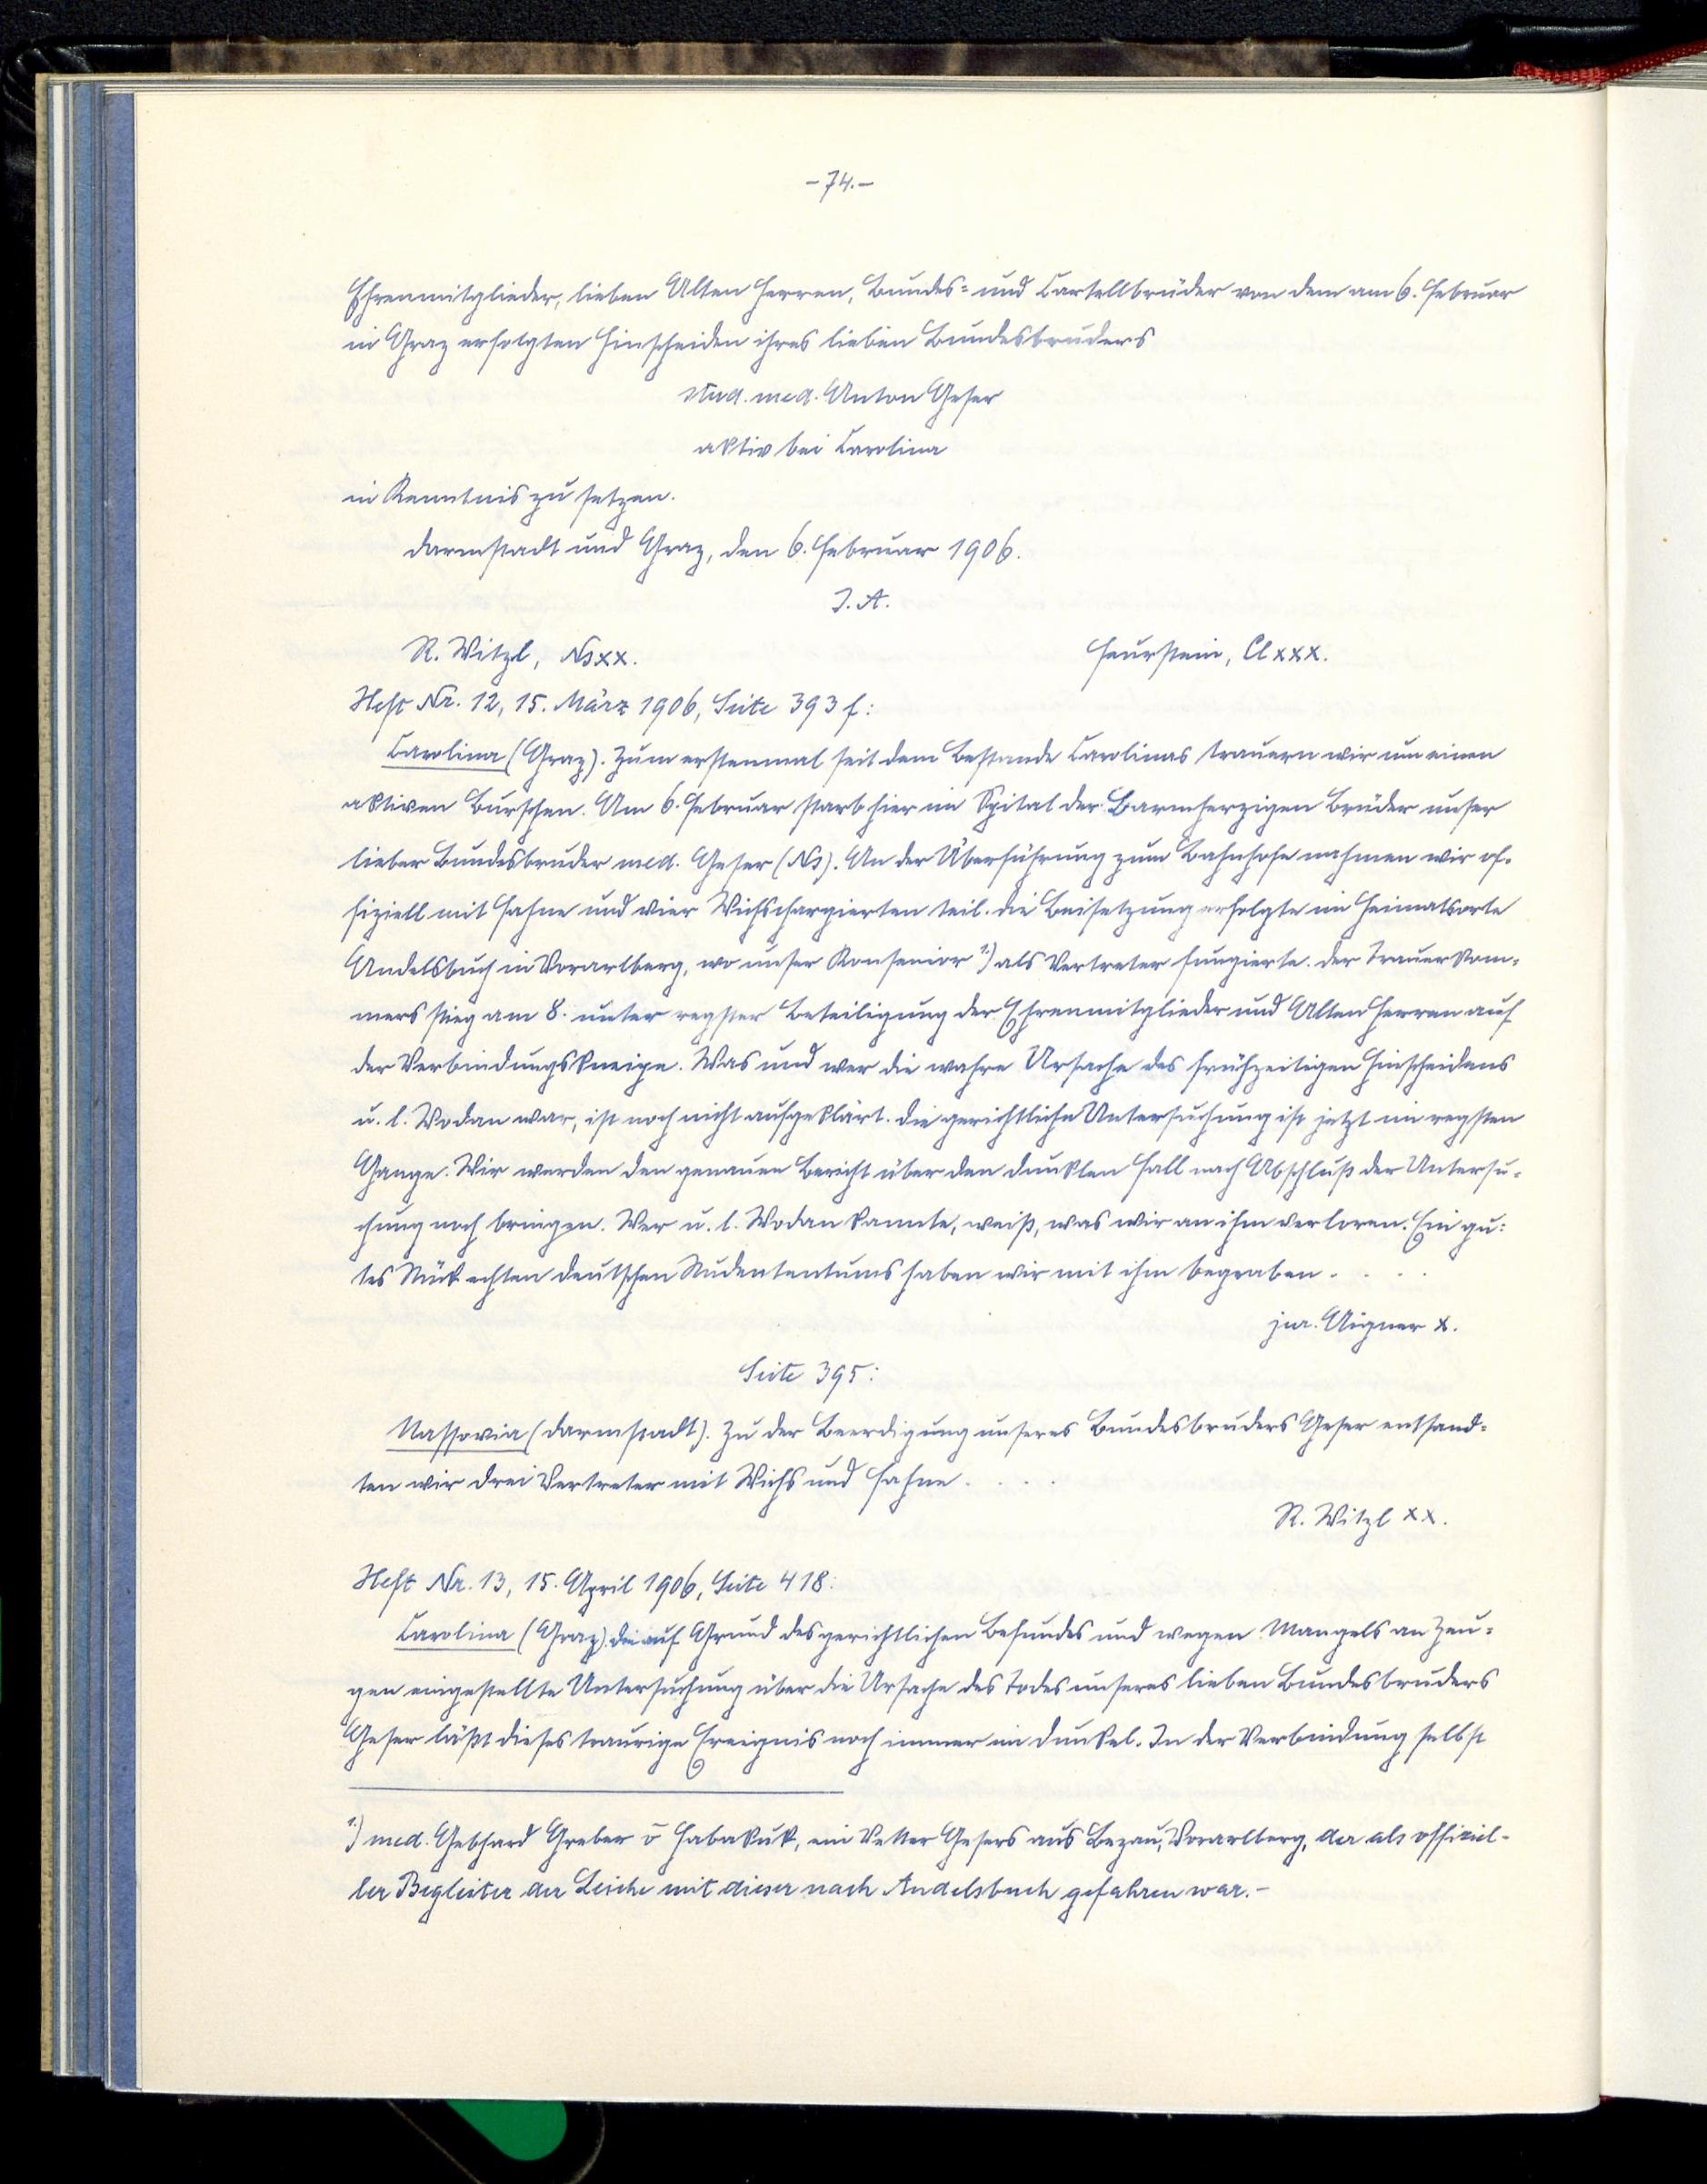74
Ehrenmitglieder, liebe Alte Herren, Bundes- und Cartellbrüder von dem am 6. Februar
in Graz erfolgten Hinscheiden ihres geliebten Bundesbruders
stud. med. Anton Geser
aktiv bei Carolina
in Kenntnis zu setzen.
Darmstadt und Graz, den 6. Februar 1906.
I. A.
Feurstein, Cl xxx
R. Witzl, Ns XX
Heft Nr 12, 15. März 1906, Seite 393 f.:
Carolina (Graz). Zum erstenmal seit dem Bestande der Carolines trauern wir im einen
aktiven Burschen. Am 6. Februar starb hier im Spital der barmherzigen Brüder unser
lieber Bundesbruder med. Geser (Ns). An der Überführung zum Bahnhofe nahmen wir of-
fiziell mit Fahnen und vier Wichschargierten teil. Die Beisetzung erfolgte im Heimatorte
Andelsbuch in Vorarlberg, wo unser Konsenior 1) als Vertreter fungierte. Der Trauerkom-
mers stieg am 8. unter regster Beteiligung der Ehrenmitglieder und Alten Herren auf
der Verbindungskneipe. Was und wer die wahre Ursache des frühzeitigen Hinscheidens
u. l. Wodan waren, ist noch nicht aufgeklärt. Die gerichtliche Untersuchung ist jetzt im regsten
Gange. Wir werden den genauen Bericht über den dunklen Fall nach Abschluß der Untersu-
chung noch bringen. Wer u. l. Wodan kannte weiß, was wir an ihm verloren. Ein gu-
tes Stück echten deutschen Studententums haben wir mit ihm begraben…
jur. Aigner X
Seite395:
Nassowia (Darmstadt). Zu der Beerdigung unseres Bundesbruders Geser entsand-
ten wir drei Vertreter mit Wichs und Fahne….
R. Witzl XX
Heft Nr. 13, 15. April 1906, Seite 418:
Carolina (Graz). Die auf Grund des gerichtlichen Befunds und wegen Mangels an Zeu-
gen eingestellte Untersuchung über die Ursache des Todes unseres lieben Bundesbruders
Geser läßt dieses traurige Ereignis noch immer im Dunkel. In der Verbindung selbst
1) med. Gebhard Greber v/o Habakuk, ein Vetter Gesers aus Bezau, Vorarlberg, der als offiziel-
ler Begleiter der Leiche mit dieser nach Andelsbuch gefahren war.